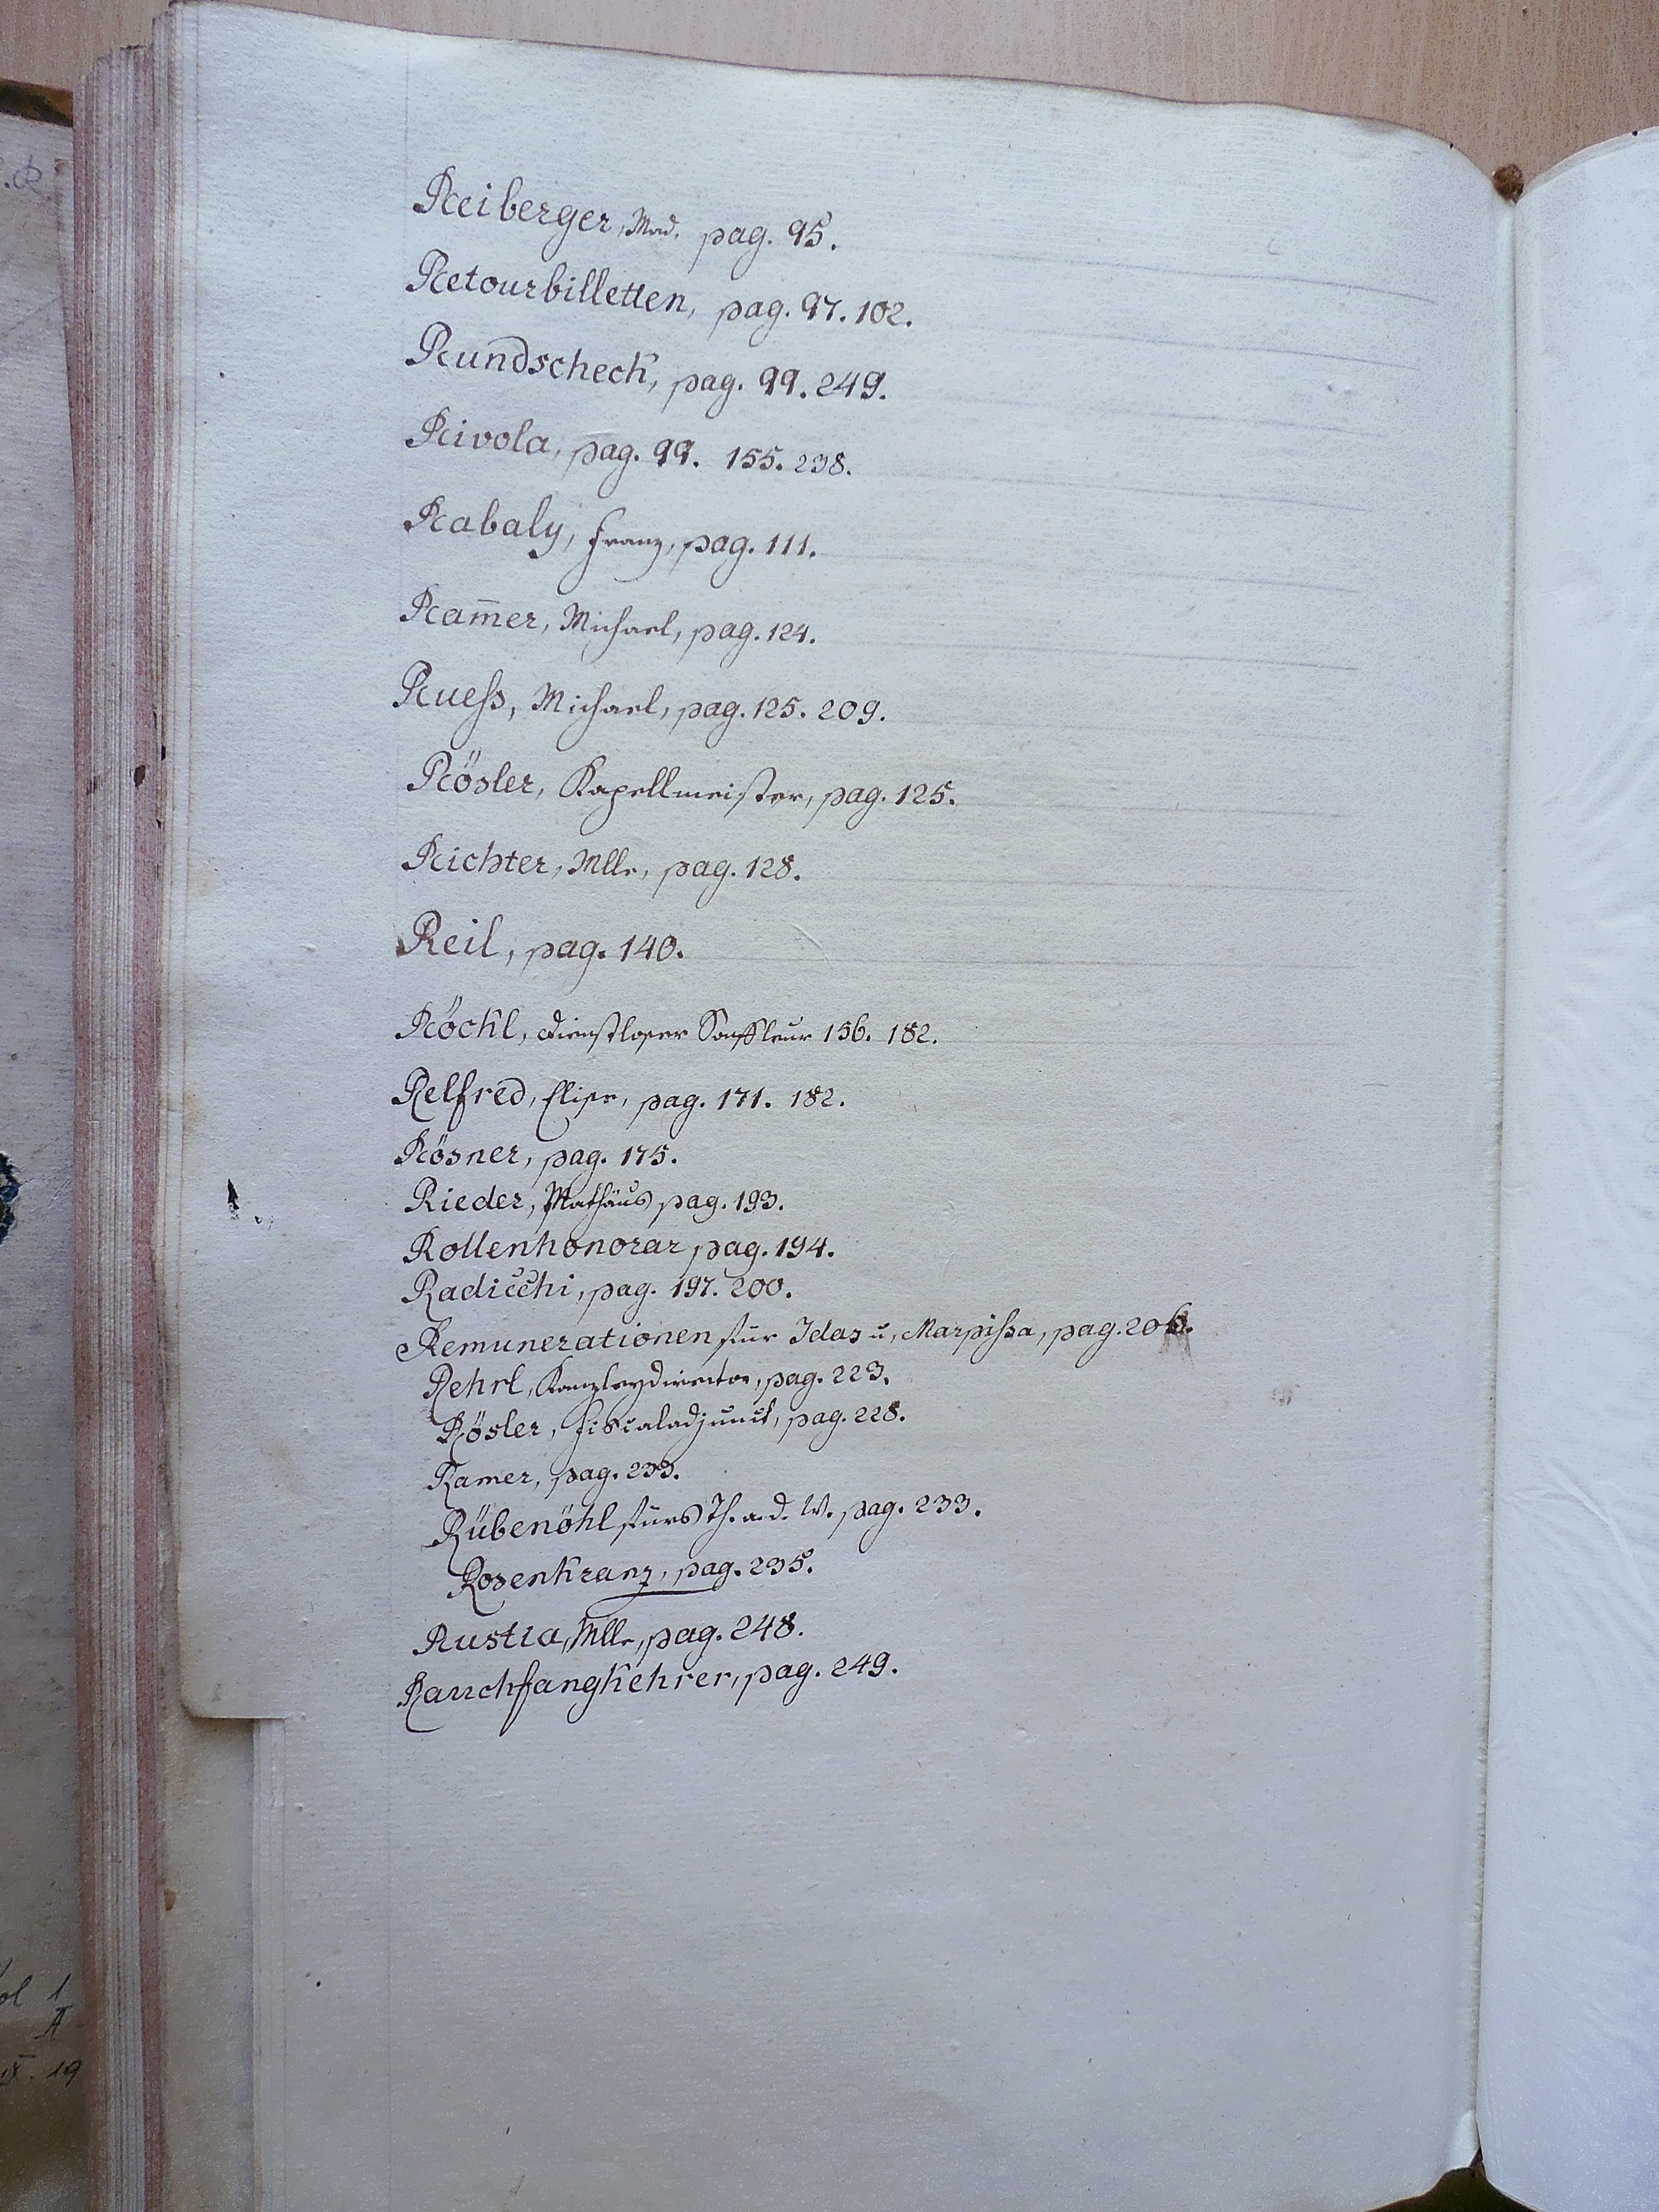Reiberger, Mad. pag. 95.
Retourbilletten, pag. 97. 102.
Rundscheck, pag. 99. 249.
Rivola, pag. 99. 155. 238.
Rabaly, Franz, pag. 111.
Ram̅er, Michael, pag. 124.
Ruess, Michael, pag. 125. 209.
Rösler, Kapellmeister, pag. 125.
Richter, Mlle, pag. 128.
Reil, pag. 140.
Röckl, Dienstloser Souffleur 156. 182.
Relfred, Elise, pag. 171. 182.
Rösner, pag. 175.
Rieder, Mathäus pag. 193.
Rollenhonorar pag. 194.
Radicchi, pag. 197. 200.
Remunerationen für Idas u, Marpissa, pag. 206.
Rehrl, Kanzleydirector, pag. 223.
Rösler, Fiscaladjunct, pag. 228.
Ramer, pag. 233.
Rübenöhl fürs Th. a. d. W., pag. 233.
Rosenkranz, pag. 235.
Rustia, Mlle, pag. 248.
Rauchfangkehrer, pag. 249.